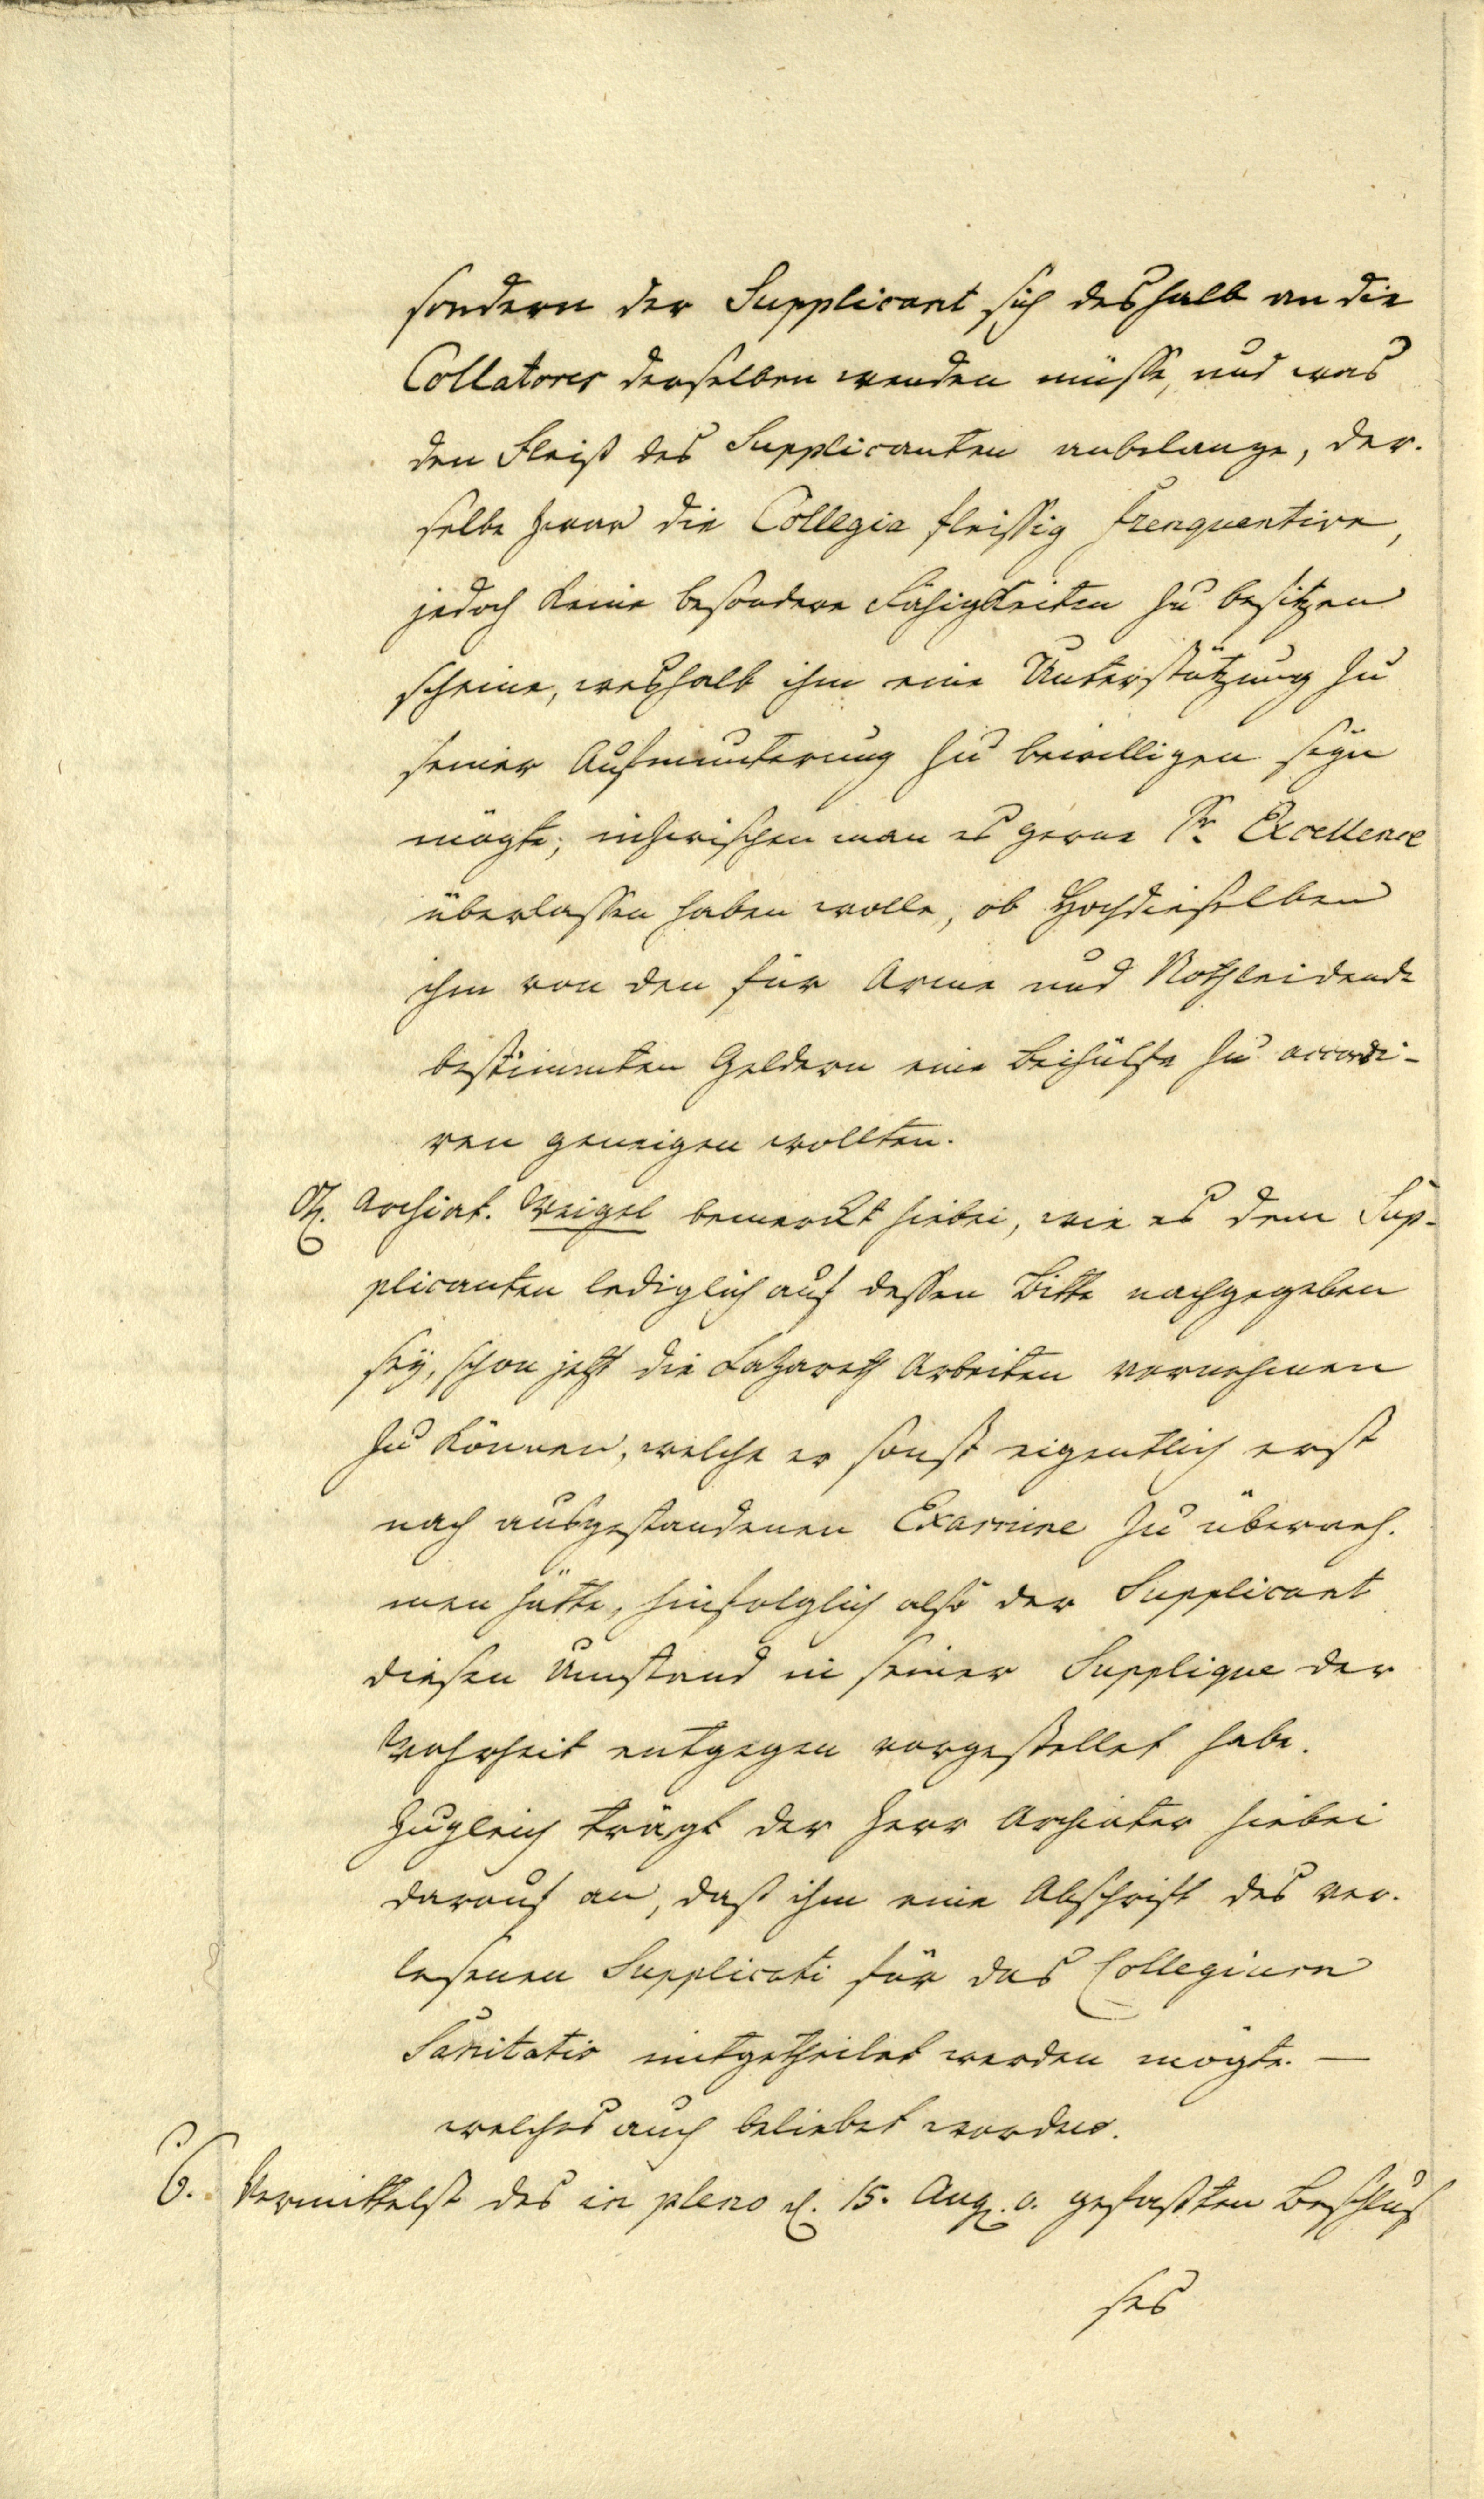sondern der Supplicant sich deshalb an die
Collatores derselben wenden müsse, und was
den Fleiß des Supplicanten anbelange, der¬
selbe zwar die Collegia fleissig frequentire,
jedoch keine besondern Fähigkeiten zu besitzen
scheine, weshalb ihm eine Unterstützung zu
seiner Aufmunterung zu bewilligen seÿn
mögte; inzwischen man es gerne Sr. Excellence
überlassen haben wolle, ob Hochdieselben
ihm von den für Arme und Nothleidende
bestimmten Geldern eine Beihülfe zu accordi¬
ren geneigen wollten.
dh. Archiat. Weigel bemerckt hiebei, wie es dem Sup¬
plicanten lediglich auf dessen Bitte nachgegeben
seÿ, schon jetzt die Lazareth Arbeiten vornehmen
zu können, welche er sonst eigentlich erst
nach ausgestandenen Examine zu überneh¬
men hätte, hinfolglich also der Supplicant
diesen Umstand in seiner Supplique der
Wahrheit entgegen vorgestellet habe.
Zugleich trägt der Herr Archiater hiebei
darauf an, daß ihm eine Abschrift des ver¬
lesenen Supplicati für das Collegium
Sanitatis mitgetheilet werden mögte.
welches auch beliebet worden.
6. Vermittelst des in pleno d. 15. Aug. c. gefaßten Beschlus
ses